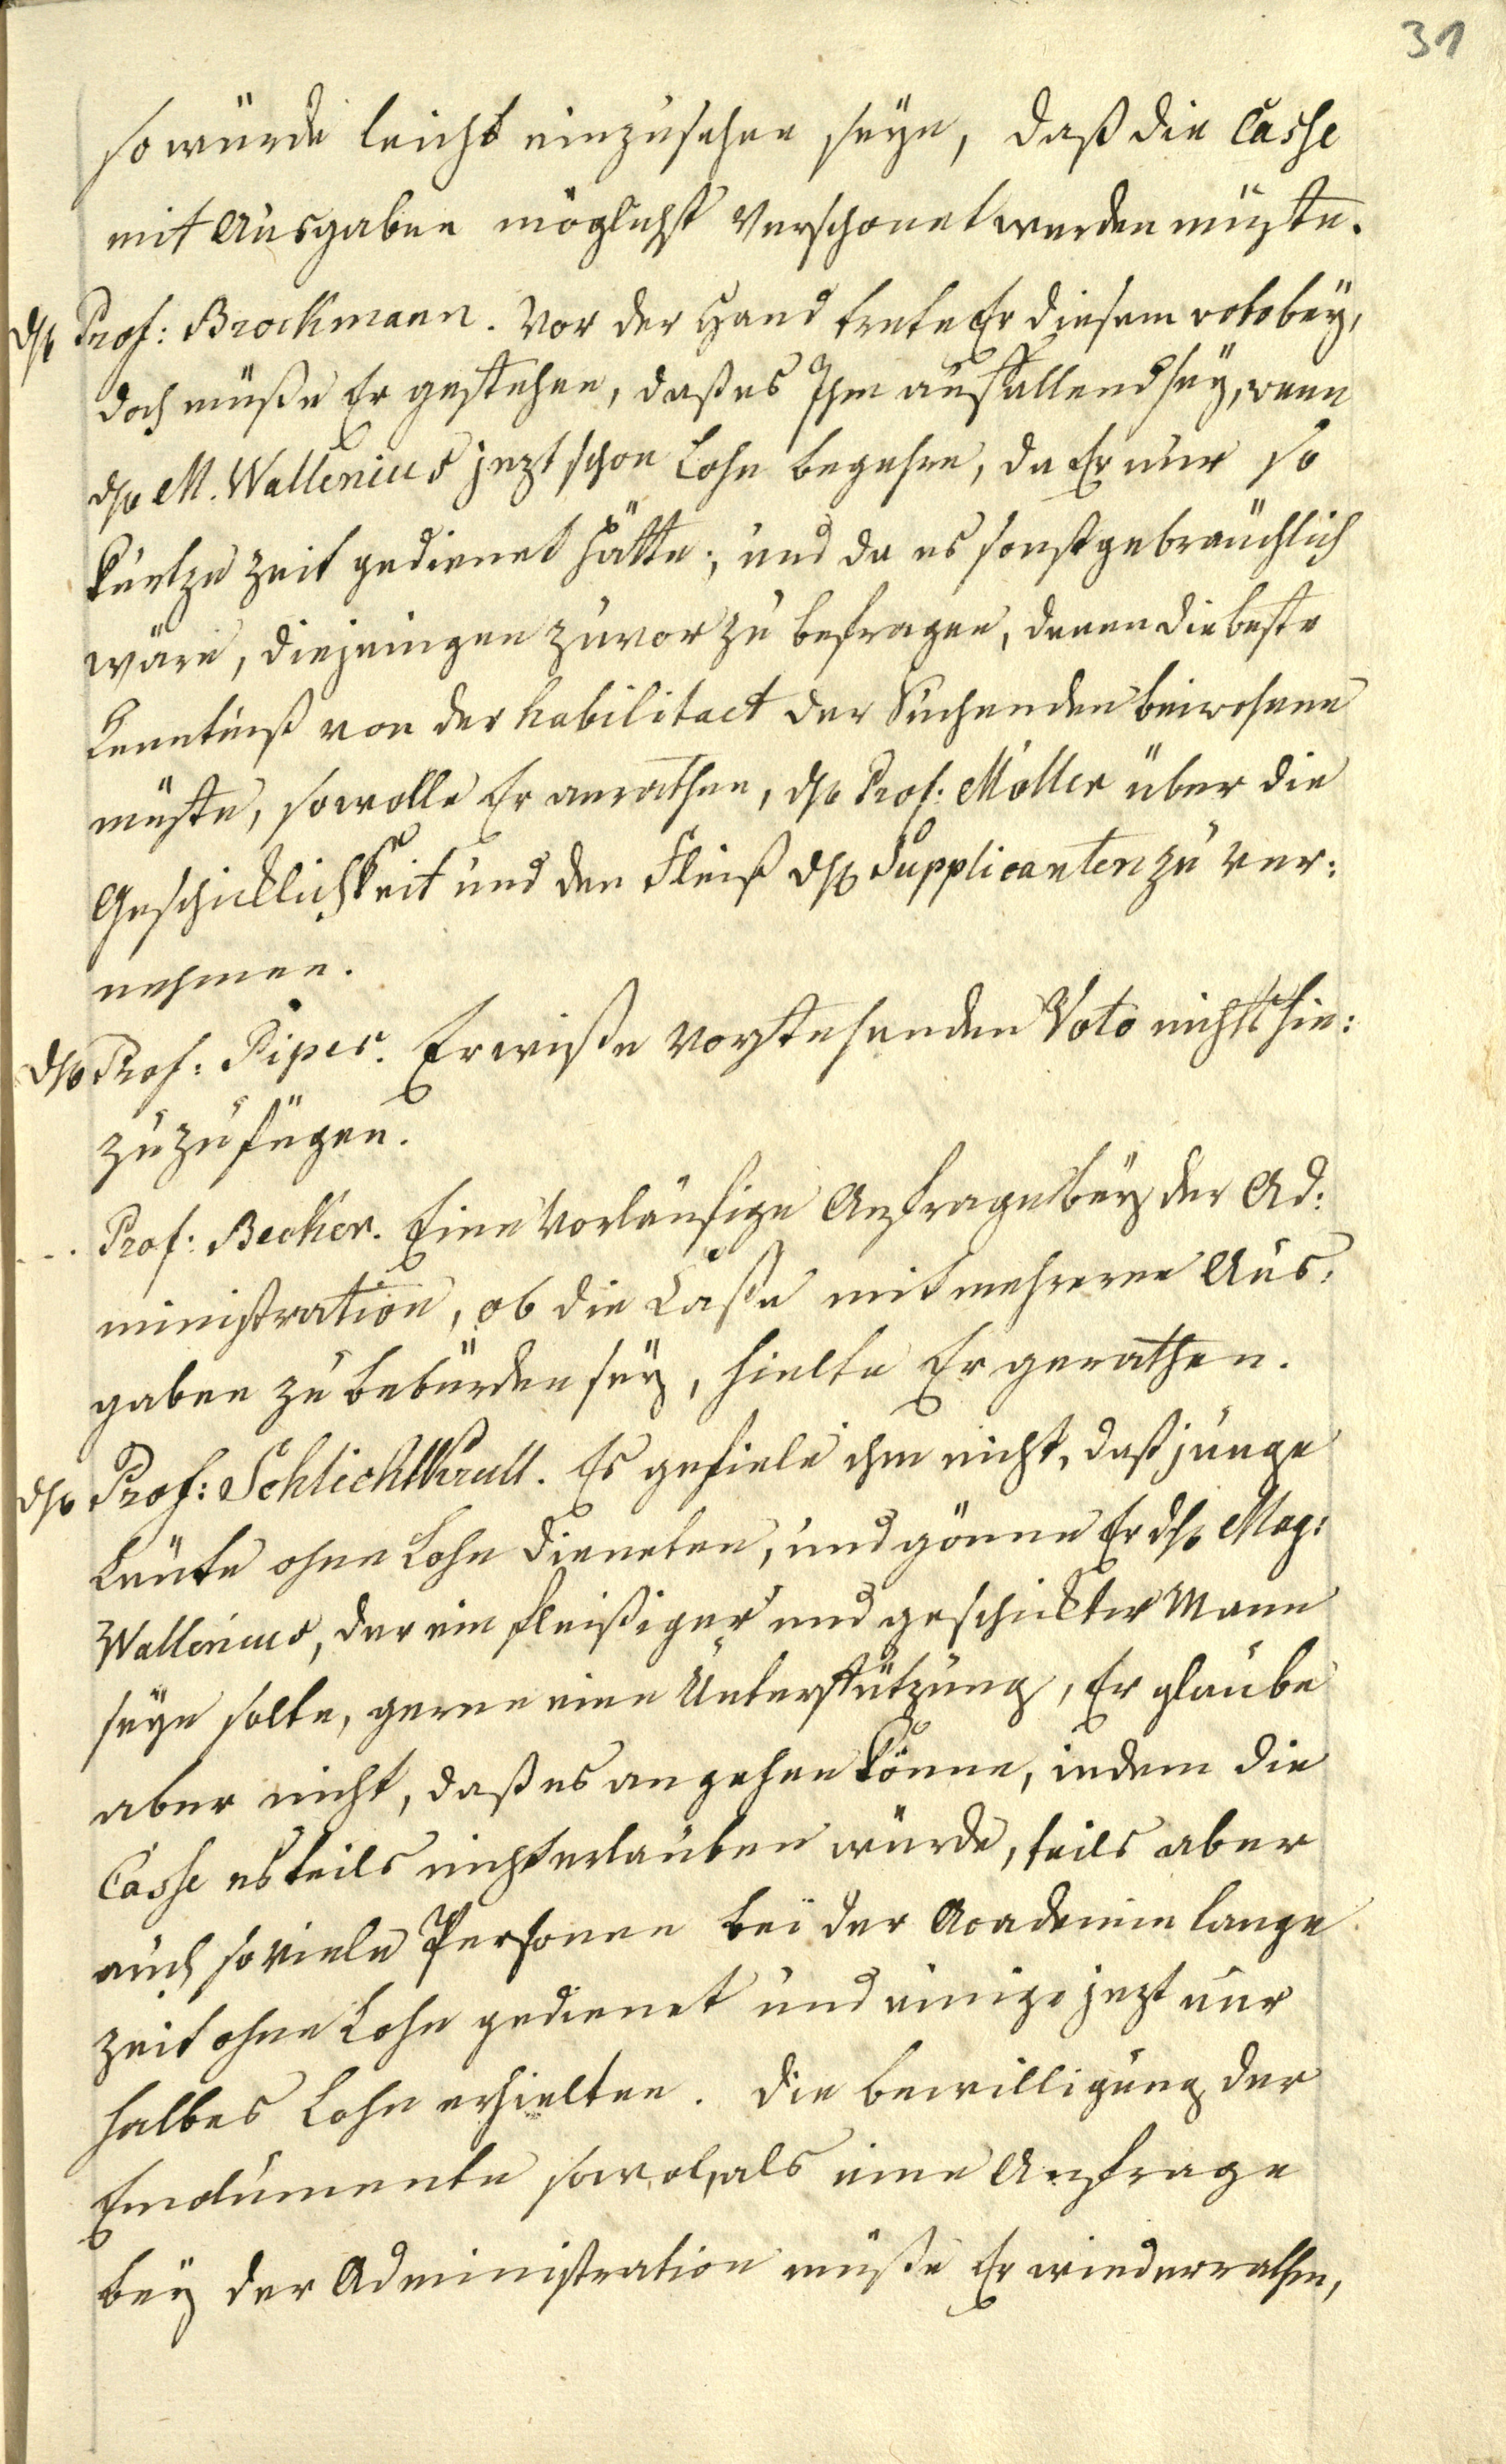so würde leicht einzusehen seÿn, daß die Casse
mit Ausgaben möglichst verschonet werden müste.
dh Prof. Brockmann. Vor der Hand trete Er diesem voto beÿ,
doch müße Er gestehen, daß es Ihm auffallend seÿ, wenn
dh M Wallenius jezt schon Lohn begehre, da Er nur so
kurtze Zeit gedienet hätte; und da es sonst gebräuchlich
wäre, diejenigen zuvor zu befragen, denen die beste
Kenntniß von der habilitaet der Suchenden beiwohnen
müste, so wolle Er anrathen, dh Prof. Möller über die
Geschicklichkeit und den Fleiß dh Supplicanten zu ver¬
nehmen.
dh Prof. Piper. Er wiße vorstehendem Voto nichts hin¬
zu zufügen.
Prof. Becker. Eine vorläufige Anfrage beÿ der Ad¬
ministration, ob die Casse mit mehreren Aus¬
gaben zu bebürden seÿ, hielte Er gerathen.
dh Prof. Schlichtkrull. Es gefiele ihm nicht, das junge
Baute ohne Lohn dieneten, und gönne Er dh. Mag.
Wallenius, der ein fleißiger und geschickter Mann
seÿn solte, gerne eine Unterstützung, Er glaube
aber nicht, daß es an gehen könne, indem die
Casse es teils nicht erlauben würde, teils aber
auch so viele Personen bei der Academie lange
Zeit ohne Lohn gedienet und einige jezt nur
halbes Lohn erhielten. Die Bewilligung der
Emolumente sowol, als eine Anfrage
beÿ der Administration müße Er wiederrathen,